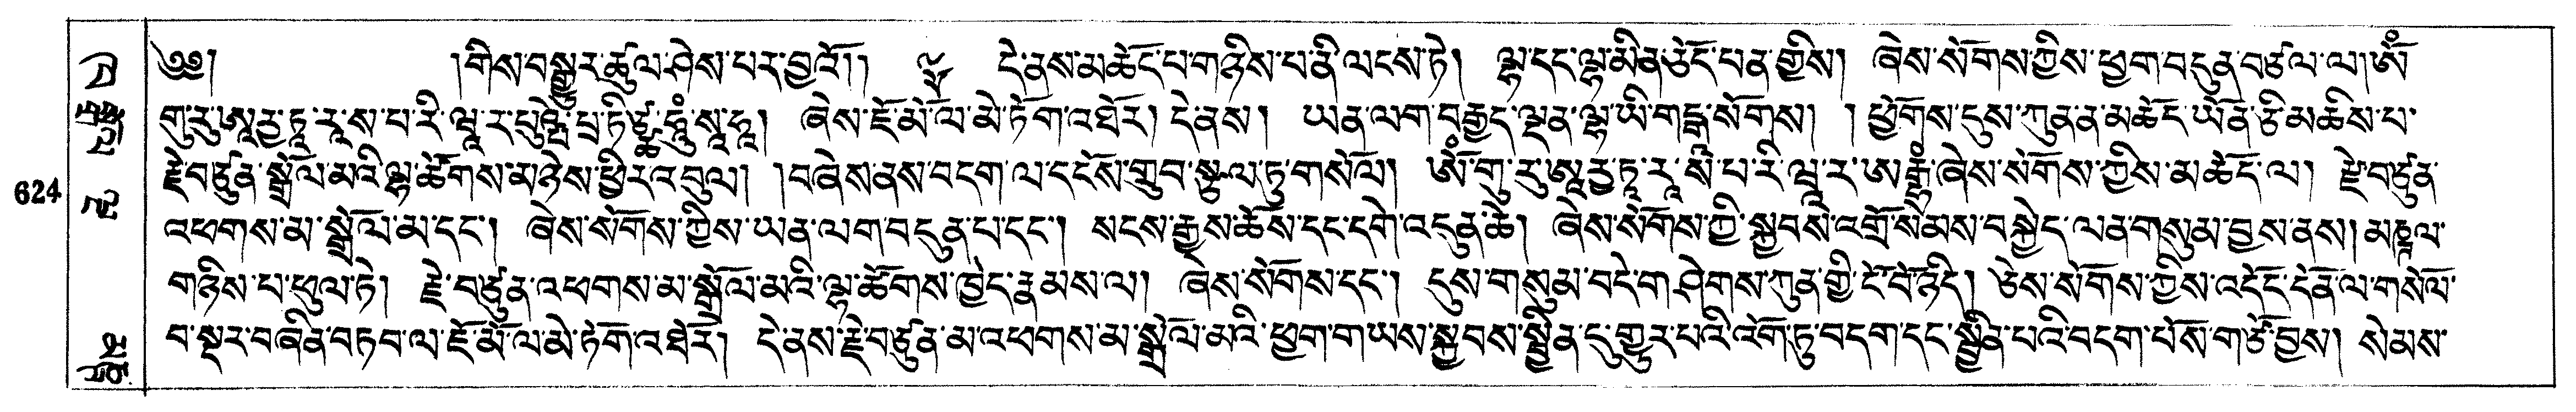༄༅། །གིས་བསྒྱུར་ཚུལ་ཤེས་པར་བྱའོ།། ༈ དེ་ནས་མཆོད་པ་གཉིས་པ་ནི་ལངས་ཏེ། ལྷ་དང་ལྷ་མིན་ཅོད་པན་གྱིས། ཞེས་སོགས་ཀྱིས་ཕྱག་བདུན་བཙལ་ལ། ཨོཾ་
གུ་རུ་ཨཱརྱ་ཏཱ་རཱ་ས་པ་རི་ཝཱ་ར་པུཥྤེ་པྲ་ཏི་ཙྪ་ཧཱུཾ་སཱ་ཧཱ། ཞེས་ཇོ་མོ་ལ་མེ་ཏོག་འཐོར། དེ་ནས། ཡན་ལག་བརྒྱད་ལྡན་ལྷ་ཡི་གངྒ་སོགས། །ཕྱོགས་དུས་ཀུན་ན་མཆོད་ཡོན་ཅི་མཆིས་པ་
རྗེ་བཙུན་སྒྲོལ་མའི་ལྷ་ཚོགས་མཉེས་ཕྱིར་འབུལ། །བཞེས་ནས་བདག་ལ་དངོས་གྲུབ་སྩལ་ཏུ་གསོལ། ཨོཾ་གུ་རུ་ཨཱ་རྱ་ཏཱ་རཱ་ས་པ་རི་ཝཱ་ར་ཨརྒྷཾ་ཞེས་སོགས་ཀྱིས་མཆོད་ལ། རྗེ་བཙུན་
འཕགས་མ་སྒྲོལ་མ་དང་། ཞེས་སོགས་ཀྱིས་ཡན་ལག་བདུན་པ་དང་། སངས་རྒྱས་ཆོས་དང་དགེ་འདུན་ཆེ། ཞེས་སོགས་ཀྱི་སྐྱབས་འགྲོ་སེམས་བསྐྱེད་ལན་གསུམ་བྱས་ནས། མཎྜལ་
གཉིས་པ་ཕུལ་ཏེ། རྗེ་བཙུན་འཕགས་མ་སྒྲོལ་མའི་ལྷ་ཚོགས་ཁྱེད་རྣམས་ལ། ཞེས་སོགས་དང་། དུས་གསུམ་བདེ་གཤེགས་ཀུན་གྱི་ངོ་བོ་ཉིད། ཅེས་སོགས་ཀྱིས་འདོད་དོན་ལ་གསོལ་
བ་སྔར་བཞིན་བཏབ་ལ་ཇོ་མོ་ལ་མེ་ཏོག་འཐོར། དེ་ནས་རྗེ་བཙུན་མ་འཕགས་མ་སྒྲོལ་མའི་ཕྱག་གཡས་སྐྱབས་སྦྱིན་དུ་གྱུར་པའི་འོག་ཏུ་བདག་དང་སྦྱིན་པའི་བདག་པོས་གཙོ་བྱས། སེམས་